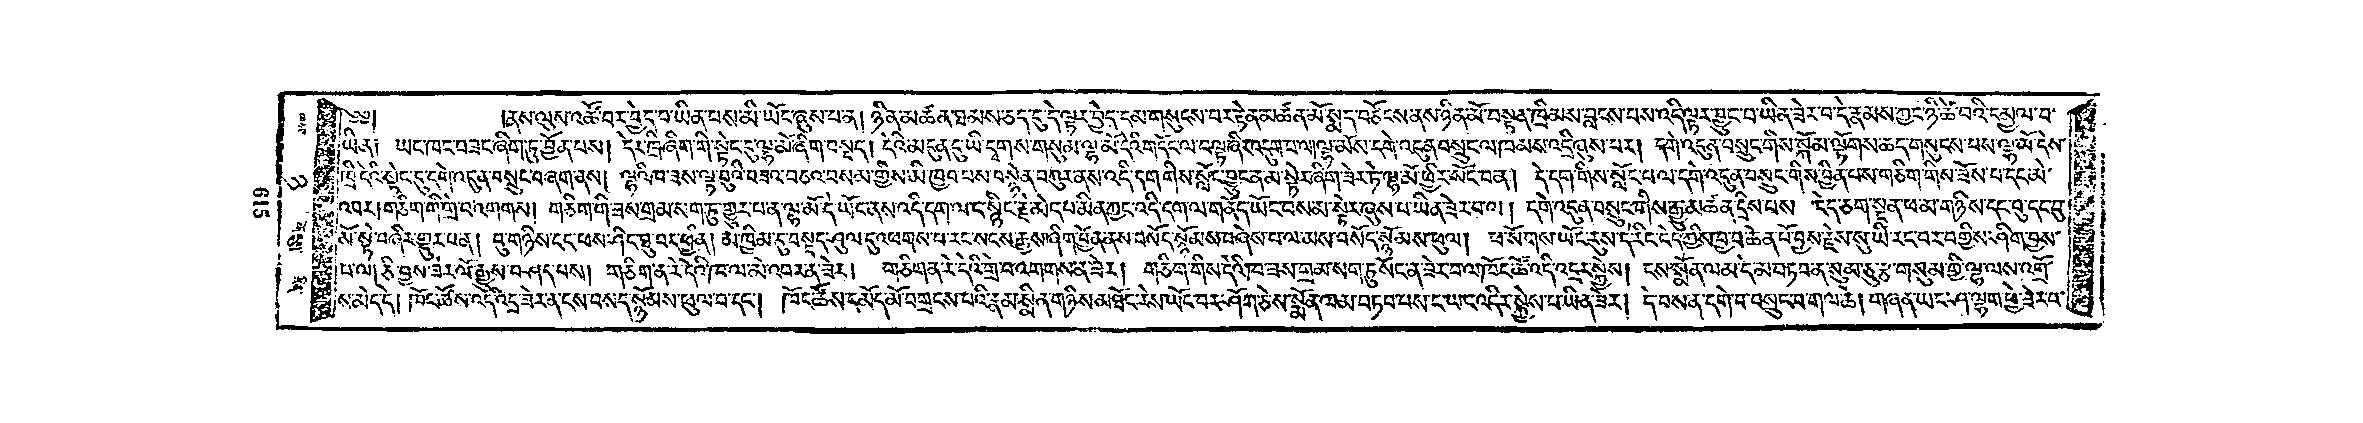༄༅། །ནས་ལུས་འཚོ་བར་བྱེད་པ་ཡིན་པས་མི་ཡོང་ཞུས་པ་ན། ཉིན་མཚན་ཐམས་ཅད་དུ་དེ་ལྟར་བྱེད་དམ་གསུངས་པར་རྟེན་མཚན་མོ་སྨད་བཙོངས་ནས་ཉིན་མོ་བསྟན་ཁྲིམས་བླངས་པས་འདི་ལྟར་བྱུང་བ་ཡིན་ཟེར་བ་དེ་རྣམས་ཀྱང་ཉི་ཚེ་བའི་དམྱལ་བ་
ཡིན། ཡང་ཁང་བཟང་ཞིག་ཏུ་བྱོན་པས། དེར་ཁྲི་ཞིག་གི་སྟེང་དུ་ལྷ་མོ་ཞིག་བསྡད། དེའི་མདུན་དུ་ཡི་དྭགས་གསུམ་ལྷ་མོ་དེའི་གདོང་ལ་བལྟ་ཞིར་འདུག་པ་ལ། ལྷ་མོས་དགེ་འདུན་བསྲུང་ལ་ཁམས་འདྲི་ཞུས་པར། དགེ་འདུན་བསྲུང་གིས་སྐོམ་ལྟོགས་ཆད་གསུངས་པས་ལྷ་མོ་དེས་
ཁྲི་དེའི་སྟེང་དུ་དགེ་འདུན་བསྲུང་བཞག་ནས། ལྷའི་ཁ་ཟས་ལྟ་བུའི་བཟའ་བཅའ་བསམ་གྱིས་མི་ཁྱབ་པས་བསྙེན་བཀུར་ནས་འདི་དག་གིས་སློང་བྱུང་ན་མ་སྟེར་ཞིག་ཟེར་ཏེ་ལྷ་མོ་ཕྱིར་སོང་བ་ན། དེ་དག་གིས་སློང་པ་ལ་དགེ་འདུན་བསྲུང་གིས་བྱིན་པས་གཅིག་གིས་ཟོས་པ་དང་མེ་
འབར། གཅིག་གི་གྲེ་བ་འགགས། གཅིག་གི་ཟས་གྲམ་སག་ཏུ་གྱུར་པ་ན་ལྷ་མོ་དེ་ཡོང་ནས་འདི་དག་ལ་ང་སྙིང་རྗེ་མེད་པ་མིན་ཀྱང་འདི་དག་ལ་གནོད་ཡོང་བསམ་སྟེར་ཞུས་པ་ཡིན་ཟེར་བ་ལ། དགེ་འདུན་བསྲུང་གིས་རྒྱུ་མཚན་དྲིས་པས་ངེད་ཅག་སྔན་ཕ་མ་གཉིས་དང་བུ་དང་བུ་
མོ་སྟེ་བཞིར་གྱུར་པ་ན། བུ་གཉིས་དང་ཕས་ཤིང་ཐུ་བར་ཕྱིན། མ་ཁྱིམ་དུ་བསྡད་ཤུལ་དུ་འཕགས་པ་རང་སངས་རྒྱས་ཞིག་བྱོན་ནས་བསོད་སྙོམས་པ་བཞེས་པ་ལ་མས་བསོད་སྙོམས་ཕུལ། ཕ་སོགས་ཡོང་རུས་དེ་རིང་ངེད་ཀྱིས་བྱ་བ་ཆེན་པོ་བྱས་རྗེས་སུ་ཡི་རང་བར་བགྱིས་ཤིག་བྱས་
པ་ལ། ཅི་བྱས་ཟེར་ལོ་རྒྱུས་བཤད་པས། གཅིག་ན་རེ་དེའི་ཁ་ལ་མེ་འབར་ན་ཟེར། གཅིག་ན་རེ་དེའི་གྲེ་བ་འགགས་ན་ཟེར། གཅིག་གིས་དེའི་ཁ་ཟས་གྲམ་སག་ཏུ་སོང་ན་ཟེར་བ་ལ་ཁོང་ཚོ་འདི་འདྲར་སྐྱེས། ངས་སྨོན་ལམ་དེ་མ་བཏབ་ན་སུམ་ཅུ་རྩ་གསུམ་གྱི་ལྷ་ལས་འགྲོ་
ས་མེད་དེ། ཁོང་ཚོས་འདི་འདྲ་ཟེར་ན་ངས་བསད་སྙོམས་ཕུལ་བ་དང་། ཁོང་ཚོས་དམོད་མོ་བགྲངས་པའི་རྣམ་སྨིན་གཉིས་མཐོང་རེས་ཡོང་བར་ཤོག་ཅེས་སྨོན་ལམ་བཏབ་པས་ང་ཡང་འདིར་སྐྱེས་པ་ཡིན་ཟེར། དེ་བས་ན་དགེ་བ་བསྲུང་བ་གལ་ཆེ། གཞན་ཡང་ཤ་ལྷག་ཕྱེ་ཟེར་བ་